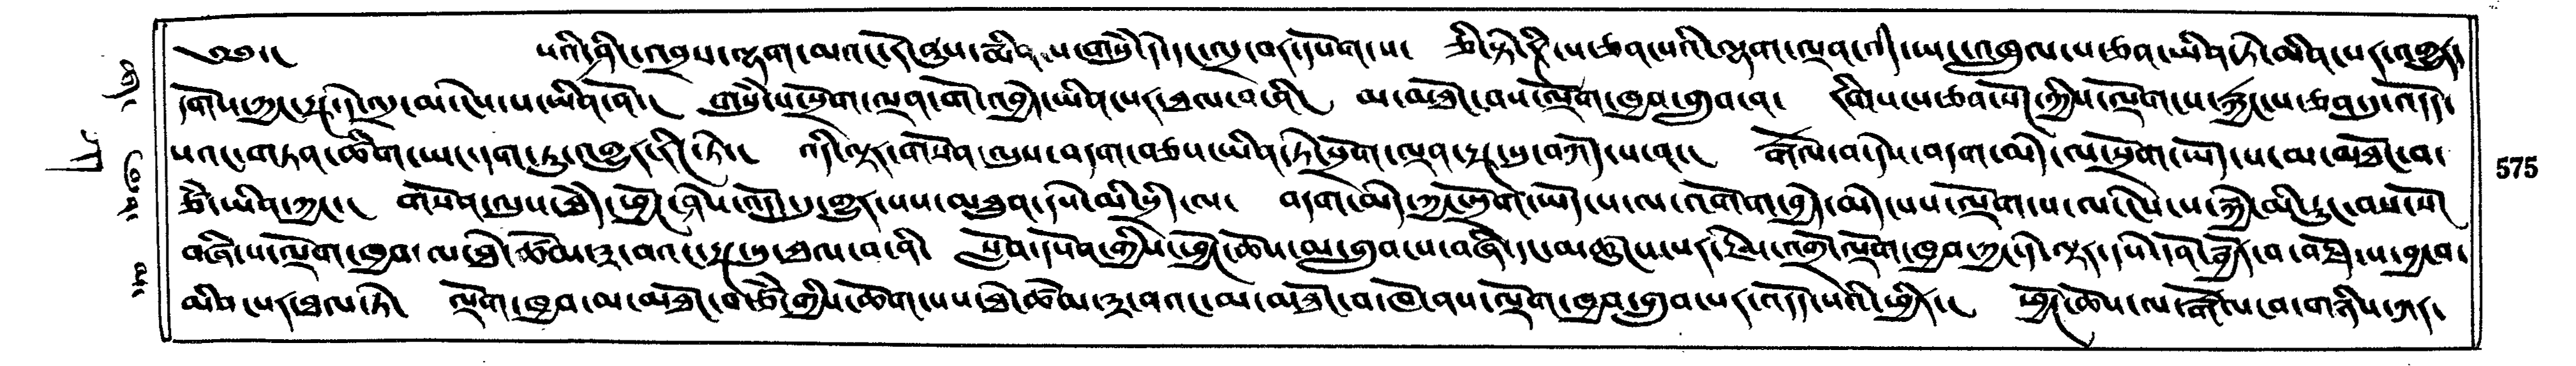པའི་ཤིང་འབྲས་ལྷག་མའང་རོ་ནུས་སྨིན་པ་གསུམ་དེ་དང་འདྲ་བར་དཔོག་པ་བཞིན་ཅི་སྟེ་རིགས་པ་ཅན་པའི་ལྷག་ལྡན་འདི་ཡང་འཁྲུལ་པ་ཅན་ཡིན་ཏེ་མིན་པར་འགྱུར་
དགོས་ཀྱང་རྟགས་དེ་འདྲ་མ་ངེས་པ་ཡིན་ནོ།། གསུམ་པ་སྲོག་ལྡན་གོ་བྱེད་ཡིན་པར་ཐལ་བ་ནི། མ་མཐོང་བས་ལྡོག་ཁྱབ་གྲུབ་ན། རིགས་པ་ཅན་སོགས་ཀྱིས་ལྡོག་པ་རྐྱང་པ་ཅན་དུ་འདོད་
པའང་གཏན་ཚིགས་ཡང་དག་ཏུ་འགྱུར་རིགས་ཏེ། འདི་ལྟར་གསོན་ལུས་བདག་བཅས་ཡིན་ཏེ་སྲོག་ལྡན་རྟགས་སུ་བཀོད་པ་ན།རྒོལ་བ་དེས་བདག་མེད་ལ་སྲོག་ཡོད་པ་མ་མཐོང་བ་
ཙམ་ཡིན་ཡང་། གསོན་ལུས་ཐམས་ཅད་ཕྱོགས་ཤེས་འདོད་དུ་གྱུར་པས་མཐུན་དཔེ་མི་སྲིད་ལ། བདག་མེད་ཀྱང་སྲོག་ཡོད་པ་ལ་འགོག་བྱེད་མེད་པས་ལྡོག་པ་ལ་ངེས་པ་སྐྱེ་མི་རུང་བས་སོ།། 
བཞི་པ་ལྡོག་ཁྱབ་ལ་ཐེ་ཚོམ་ཟ་བའང་རྟགས་སུ་ཐལ་བ་ནི། སློབ་དཔོན་གྱིས་ཕྱོགས་ཆོས་མ་གྲུབ་པ་བཞི་དང་མཚུངས་པར་རྗེས་འགྲོ་ལྡོག་ཁྱབ་ཀྱང་དེ་ལྟར་དཔེ་དོན་སྦྱོར་བ་བརྗོད་པ་བྱ་བ་
མིན་པར་ཐལ་ཏེ། ལྡོག་ཁྱབ་མ་མཐོང་བ་ཙམ་གྱིས་ཆོག་པས་ཐེ་ཚོམ་ཟ་བའང་མ་མཐོང་བ་ཁོ་ནས་ལྡོག་ཁྱབ་གྲུབ་པར་འདོད་པའི་ཕྱིར། ཕྱོགས་ཆོས་ལ་རྒོལ་བ་གཉིས་ཀར་